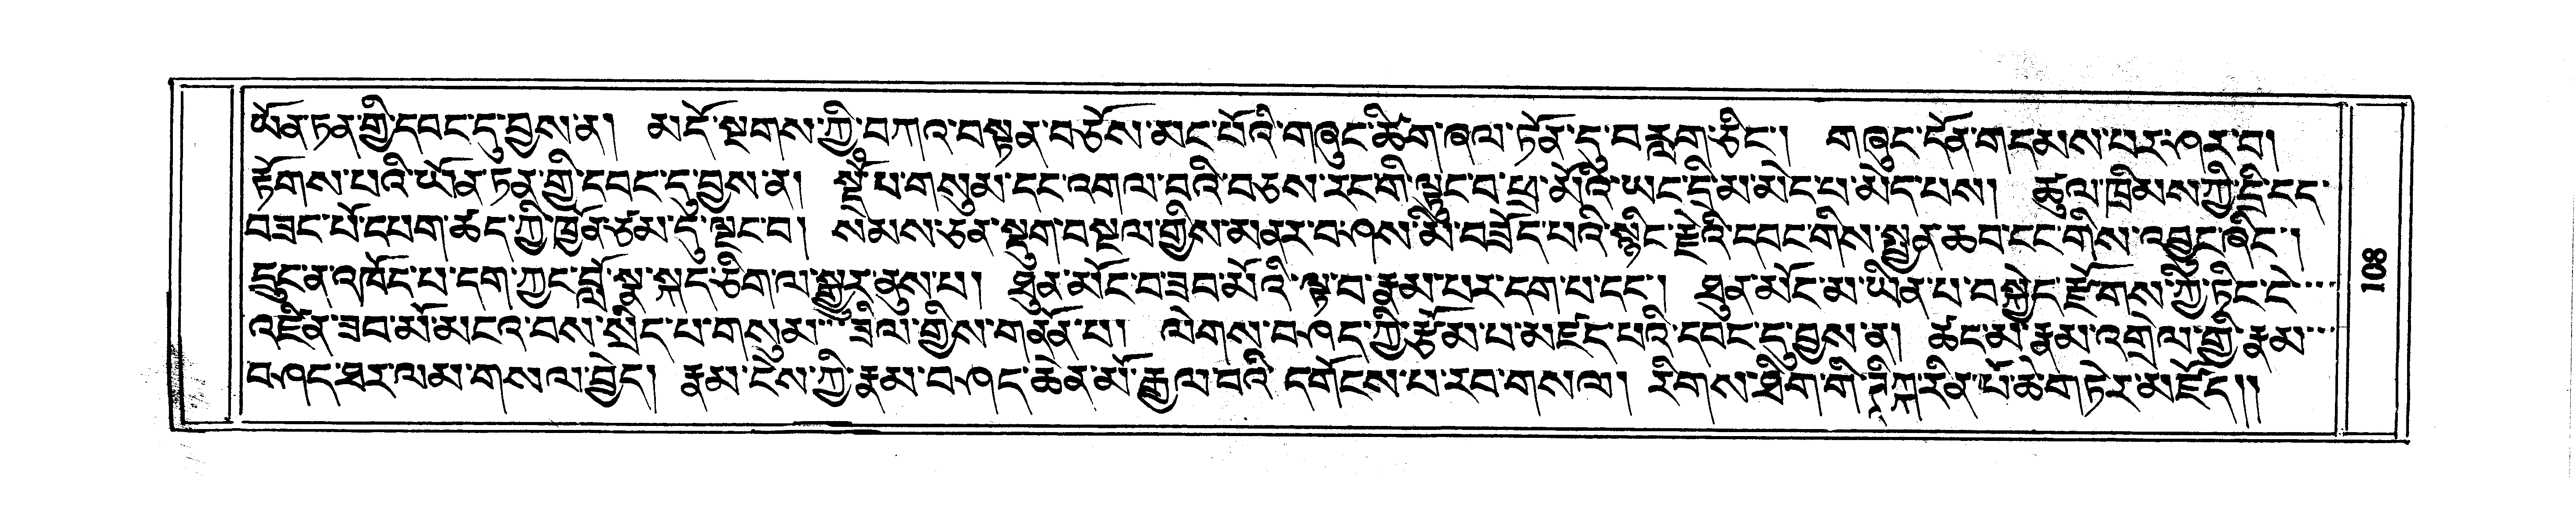ཡོན་ཏན་གྱི་དབང་དུ་བྱས་ན། མདོ་སྔགས་ཀྱི་བཀའ་བསྟན་བཅོས་མང་པོའི་གཞུང་ཚིག་ཞལ་ཏོན་དུ་བརླག་ཅིང་། གཞུང་དོན་གདམས་པར་ཤར་བ།
རྟོགས་པའི་ཡོན་ཏན་གྱི་དབང་དུ་བྱས་ན། སྡོཾ་པ་གསུམ་དང་འགལ་བའི་བཅས་རང་གི་ལྟུང་བ་ཕྲ་མོའི་ཡང་དྲི་མ་མེད་པ་མེད་པས། ཚུལ་ཁྲིམས་ཀྱི་དྲི་ངད་
བཟང་པོ་དཔག་ཚད་ཀྱི་ཁྱོན་ཙམ་དུ་ལྡང་བ། སེམས་ཅན་སྡུག་བསྔལ་གྱིས་མནར་བ་ཤས་མི་བཟོད་པའི་སྙིང་རྗེའི་དབང་གིས་སྤྱན་ཆབ་ངང་གིས་འབྱུང་ཞིང་།
དྲུང་ན་འཁོད་པ་དག་ཀྱང་བློ་སྣ་སྐད་ཅིག་ལ་སྒྱུར་ནུས་པ། ཐུན་མོང་བ་ཟབ་མོའི་ལྟ་བ་རྣམ་པར་དག་པ་དང་། ཐུན་མོང་མ་ཡིན་པ་བསྐྱེད་རྫོགས་ཀྱི་ཏིང་ངེ་
འཛིན་ཟབ་མོ་མངའ་བས་སྲིད་པ་གསུམ་ཟིལ་གྱིས་གནོན་པ། ལེགས་བཤད་ཀྱི་རྩོམ་པ་མཛད་པའི་དབང་དུ་བྱས་ན། ཚང་མ་རྣམ་འགྲེལ་གྱི་རྣམ་
བཤད་ཐར་ལམ་གསལ་བྱེད། རྣམ་ངེས་ཀྱི་རྣམ་བཤད་ཆེན་མོ་རྒྱལ་བའི་དགོངས་པ་རབ་གསལ། རིགས་ཐིག་གི་ཊཱིཀྐ་རིན་པོ་ཆེ་གཏེར་མཛོད།།